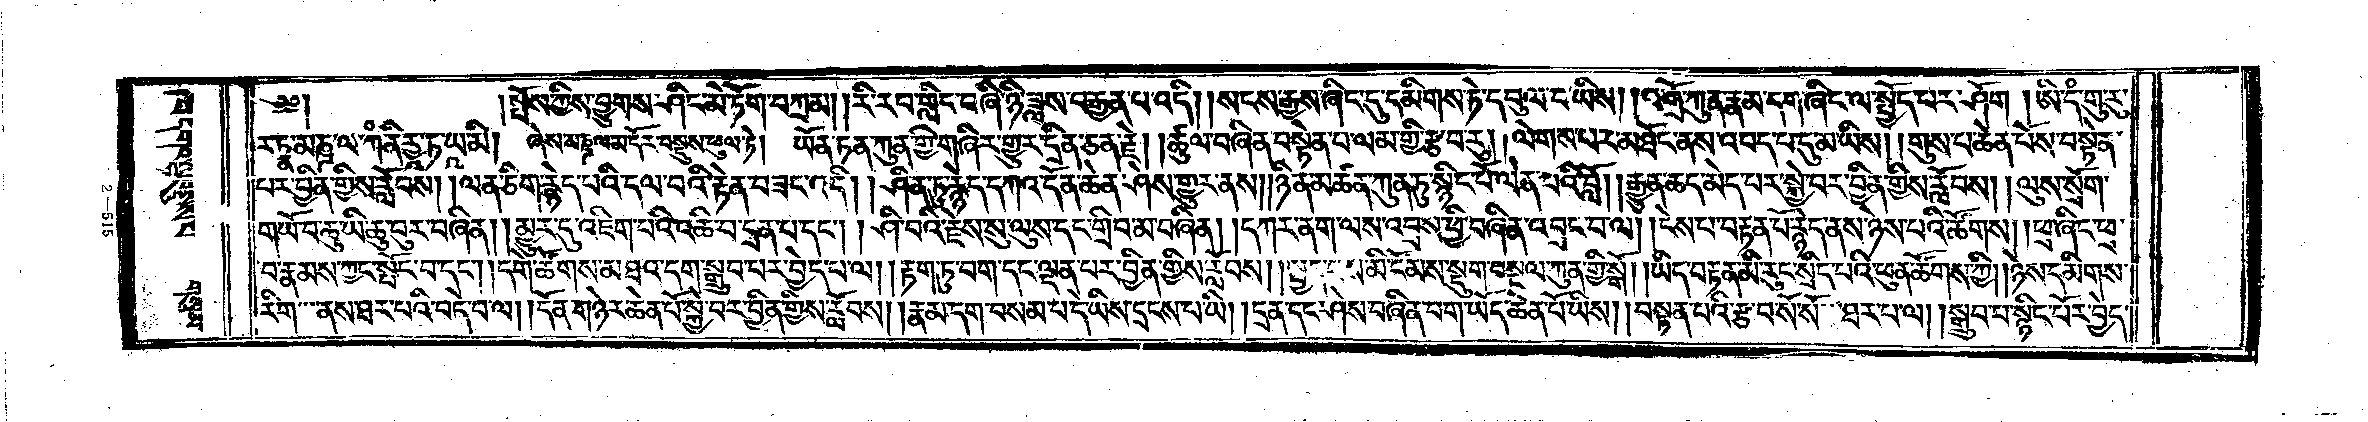༄༅། །སྤོས་ཀྱིས་བྱུགས་ཤིང་མེ་ཏོག་བཀྲམ། །རི་རབ་གླིང་བཞི་ཉི་ཟླས་བརྒྱན་པ་འདི། །སངས་རྒྱས་ཞིང་དུ་དམིགས་ཏེ་དབུལ་བ་ཡིས། །འགྲོ་ཀུན་རྣམ་དག་ཞིང་ལ་སྤྱོད་པར་ཤོག །ཨི་དཾ་གུ་རུ་
རཏྣ་མཎྜལ་ཀཾ་ནིརྱཱ་ཏ་ཡཱ་མི། ཞེས་མཎྜལ་མདོར་བསྡུས་ཕུལ་ཏེ།  ཡོན་ཏན་ཀུན་གྱི་གཞིར་གྱུར་དྲིན་ཅན་རྗེ། །ཚུལ་བཞིན་བསྟེན་པ་ལམ་གྱི་རྩ་བ་རུ། །ལེགས་པར་མཐོང་ནས་འབད་པ་དུ་མ་ཡིས། །གུས་པ་ཆེན་པོས་བསྟེན་
པར་བྱིན་གྱིས་རློབས། །ལན་ཅིག་རྙེད་པའི་དལ་བའི་རྟེན་བཟང་འདི། །ཤིན་ཏུ་རྙེད་དཀའ་དོན་ཆེན་ཤེས་གྱུར་ནས། །ཉིན་མཚན་ཀུན་ཏུ་སྙིང་པོ་ལེན་པའི་བློ། །རྒྱུན་ཆད་མེད་པར་སྐྱེ་བར་བྱིན་གྱིས་རློབས། །ལུས་སྲོག་
གཡོ་བ་ཆུ་ཡི་ཆུ་བུར་བཞིན། །མྱུར་དུ་འཇིག་པའི་འཆི་བ་དྲན་པ་དང་། །ཤི་བའི་རྗེས་སུ་ལུས་དང་གྲིབ་མ་བཞིན། །དཀར་ནག་ལས་འབྲས་ཕྱི་བཞིན་འབྲང་བ་ལ། །ངེས་པ་བརྟན་པོ་རྙེད་ནས་ཉེས་པའི་ཚོགས། །ཕྲ་ཞིང་ཕྲ་
བ་རྣམས་ཀྱང་སྤོང་བ་དང་། །དགེ་ཚོགས་མཐའ་དག་སྒྲུབ་པར་བྱེད་པ་ལ། །རྟག་ཏུ་བག་དང་ལྡན་པར་བྱིན་གྱིས་རློབས། །སྤྱད་པས་མི་ངོམས་སྡུག་བསྔལ་ཀུན་གྱི་སྒོ། །ཡིད་བརྟན་མི་རུང་སྲིད་པའི་ཕུན་ཚོགས་ཀྱི། །ཉེས་དམིགས་
རིག་ནས་ཐར་པའི་བདེ་བ་ལ། །དོན་གཉེར་ཆེན་པོ་སྐྱེ་བར་བྱིན་གྱིས་རློབས། །རྣམ་དག་བསམ་པ་དེ་ཡིས་དྲངས་པ་ཡི། །དྲན་དང་ཤེས་བཞིན་བག་ཡོད་ཆེན་པོ་ཡིས། །བསྟན་པའི་རྩ་བ་སོ་སོ་ཐར་པ་ལ། །སྒྲུབ་པ་སྙིང་པོར་བྱེད་